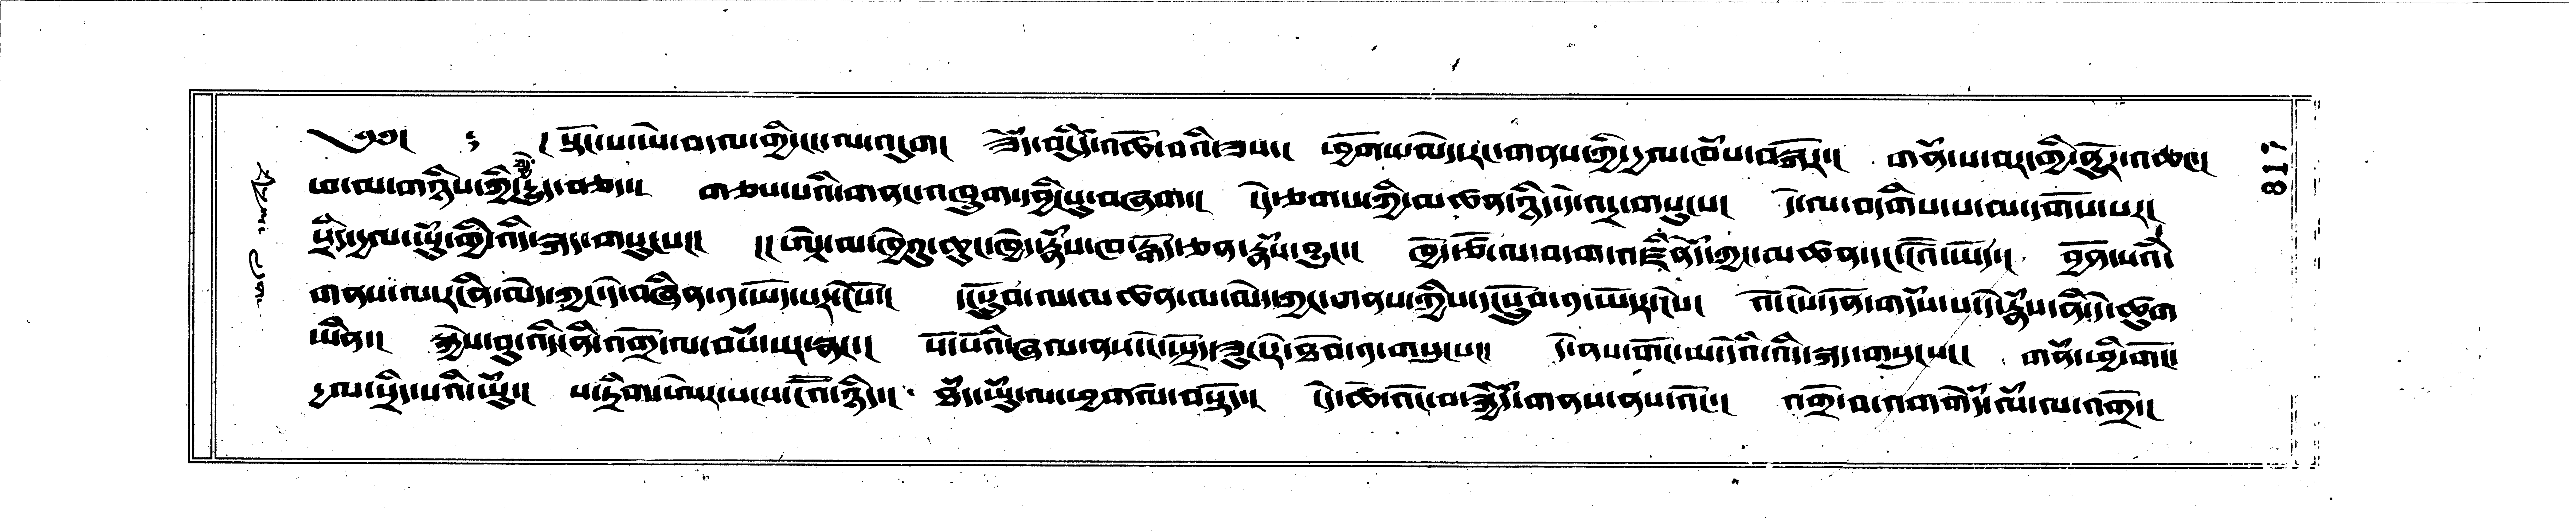སྟོང་པ་ཡེ་བདལ་གྱི་ངང་ལ་འདུག །ཟད་མེད་བདུད་རྩི་འཚོ་བའི་ཟས། །ཕྱོགས་མེད་རང་གནས་ཀྱི་རྒྱལ་ཁམས་བསྐོར། །གནམ་ས་བར་གྱི་ནོར་བུ་འཆང་། 
།ཕ་མ་གཉིས་ཀྱི་སྐྱེ་རྒྱུད་བཅད། །གཅེས་པའི་གནང་འཁྲུག་དབྱིངས་སུ་བཞག །ངེད་ཅག་གི་མཚན་ཉིད་དེ་འདྲ་གསུངས། །དེ་ལ་བདག་གིས་ས་མ་དགོས་པར། 
།སྲིད་རྒྱལ་ཡུམ་གྱིས་འདི་སྐད་གསུངས། །ཨེ་མ་ཁྱེའུ་ཆུང་ཁྱེད་རྣམས་ཁ་རྒོད་ཅན་རྣམས་བྱུང་། །ཁྱོད་ཚོ་ལ་བདག་འཛིན་མེད་ཀྱང་མཚན་དང་ངོའོ་ཡོད། བྱོན་པའི་
གནས་ལ་རང་བཞིན་མེད་ཀྱང་དེ་བཞིན་ཅིག་ཡོད་པར་ངེས་སོ། དངོས་གྲུབ་ལ་མཚན་མ་མེད་ཀྱང་གནས་ཀྱི་དངོས་གྲུབ་ཅིག་ཡོད་པར་ངེས། འོ་ངེས་དོན་གདམས་པ་དེ་རྣམས་ནི་དེ་ཚུག་
ཡིན། སྐྱེས་བུ་འདི་ནི་འགྲོ་ལ་བསམ་པར་སྣང་། སོ་སོའི་ཞལ་ནས་ངོ་སྤྲོད་ཟུང་རེ་ཐོབ་ཅིག་གསུངས། དེ་ནས་གོང་མ་དེས་འདི་སྐད་གསུངས། གནམ་ཕྱི་གོང་
རྒྱལ་སྲིད་པའི་ཡུམ། །ས་ཏྲིག་ཨེ་སངས་ངོའོ་ཉིད། །ཐམས་ཅད་ཡུམ་ལ་ཕྱག་འཚལ་བསྟོད། །ངེད་ཚོ་འོང་བ་སྐྱེ་མེད་གནས་ནས་འོང་། །འགྲོ་བ་འགག་མེད་ལམ་ལ་འགྲོ །